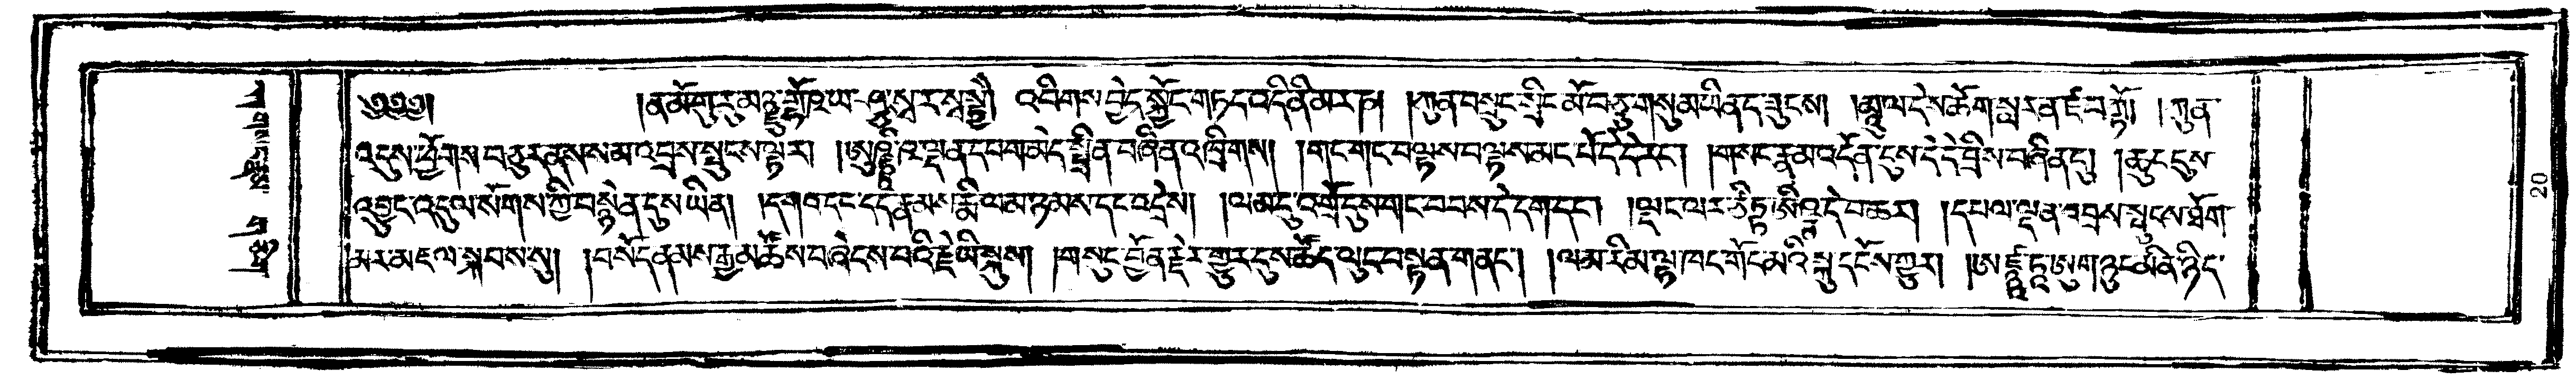༄༅༅། །ན་མོ་གུ་རུ་མཉྫུ་གྷོ་ཥ་ཡ་ཤྩ་སྭ་ར་སྭ་སྟྱཻ། འབིགས་བྱེད་སྐྱོང་གཏད་འདི་ནི་མར་ཎ། །ཀུན་བསྲུང་སྲིང་མོ་བཅུ་གསུམ་ཡིན་ད་ཟུངས། །མཱུ་ལ་དེས་ཆོག་སླར་ན་ཛ་བཀྟོ?། །ཀུན་
འདུས་ཕྱོགས་བཅུར་ནས་སམ་འབྲས་སྤུངས་ལྟར། །ཨུཥྞཱི་ཥ་ལྡན་དཔག་མེད་སྤྲིན་བཞིན་འཁྲིགས། །གང་གང་བལྟས་བལྟས་མང་པོ་དེ་དེ་རང་། །གསང་རྣམ་འདོན་དུས་དེ་དེ་བྲིས་བཞིན་དུ། །ཆུང་དུས་
འབྱུང་འདུལ་སོགས་ཀྱི་བསྙེན་དུས་ཡིན། །དགའ་དང་དད་རྣམས་རྨི་ལམ་ཉམས་དང་འདྲེས། །ལམ་དུ་འགྲོ་དུས་གང་བབས་དེ་དག་དང་། །ལྡང་ལར་ཙིཏྟ་ཨིཥྚ་དེབ་ཆར། །དཔལ་ལྡན་འབྲས་སྤུངས་ཐོག་
མར་མཇལ་སྐབས་སུ། །བསོད་ནམས་རྒྱ་མཚོས་བཞེངས་པའི་རྗེ་ཡི་སྐུས། །གསུང་བྱོན་རྗེར་གྱུར་དུས་ཚོད་ལུང་བསྟན་གནང་། །ལམ་རིམ་ལྷ་ཁང་གོང་མའི་སྐུ་དངོས་ཀྱུར། །ཨཛྙཱ་ཏཱ་ཨུ་གཉུང་མིན་ཉིད་